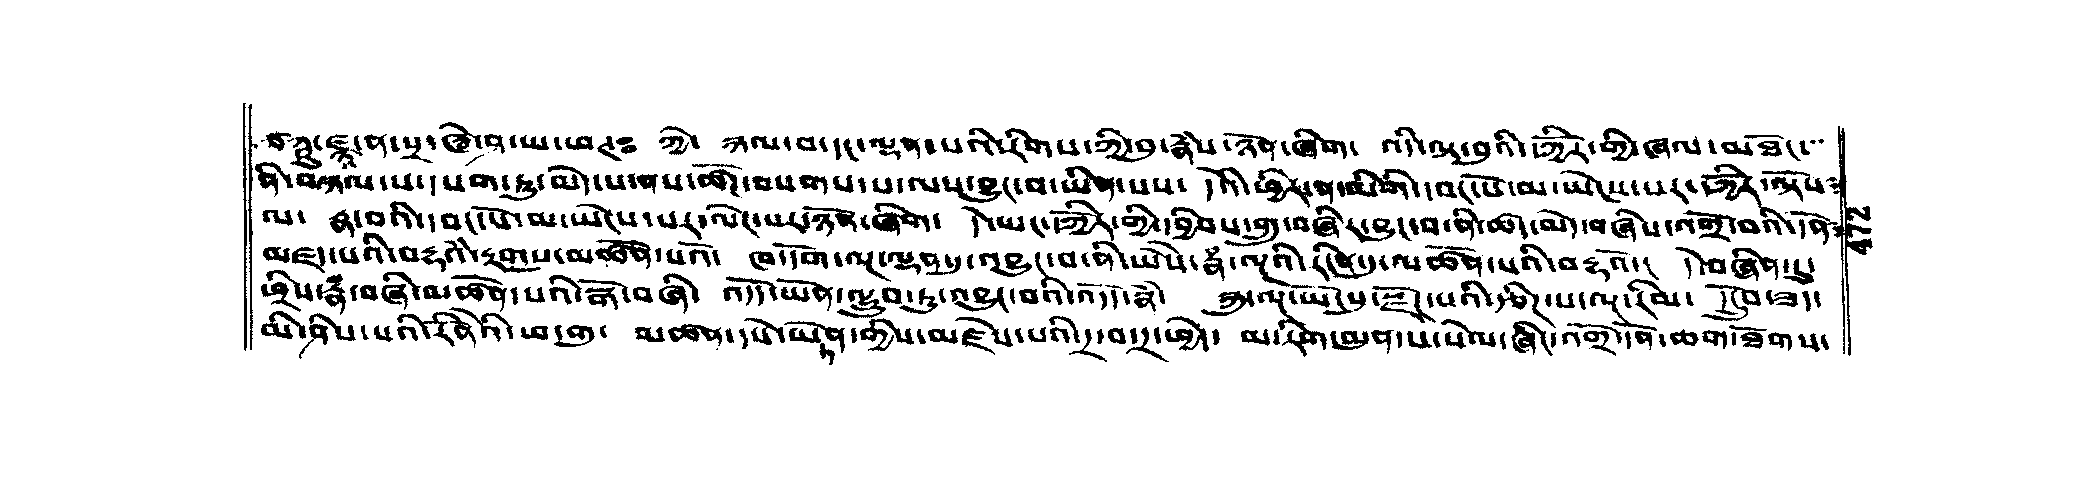ཙ་ཀརུ་ཛྙཱ་ན་པྲ་ཝེ་ཤ་ཡ་ཕཊཿ ཀྱེ། སྐལ་བ་དང་ལྡན་པའི་རིགས་ཀྱི་བུ་རྣམས་ཉོན་ཞིག་འདི་ལྟ་བུའི་དཀྱིལ་འཁོར་གྱི་ཞལ་མཐོང་
ནས་བསྐལ་པ་དཔག་ཏུ་མེད་པས་ན་ཚོགས་བསགས་པ་ལས་བྱུང་བ་ཡིན་པས། དེའི་ཕྱིར་ན་མིག་གི་དབང་པོ་མ་ཡེངས་པར་དཀྱིལ་འཁོར་ལྟོས་
ལ། རྣ་བའི་དབང་པོ་མ་ཡེངས་པར་ལེགས་པར་ཉོན་ཞིག་དེ་ཡང་དཀྱིལ་འཁོར་གྱི་དབྱིབས་གྲུ་བཞིར་བྱུང་བ་ནི་ཚད་མེད་བཞིས་འགྲོ་བའི་དོན་
མཛད་པའི་བརྡའམ་རྟགས་སུ་མཚོན་པའོ། ཁ་དོག་ལྔ་ལྡན་དུ་འབྱུང་བ་ནི་ཡེ་ཤེས་རྣམ་ལྔའི་རང་བཞིན་དུ་མཚོན་པའི་བརྡའོ། དེ་བཞིན་དུ་
ཕྲིན་ལས་རྣམ་བཞི་མཚོན་པའི་སྒོ་བཞི། འདོད་ཡོན་ལྷུན་གྲུབ་ཏུ་འབྱུང་བའི་འདོད་རྣམ། སྐུ་ལྔ་ཡོངས་སུ་རྫོགས་པའི་རྩིགས་པ་ལྔ་རིམ། དངོས་གྲུབ་ཟད་
མི་ཤེས་པའི་རང་བཞིན་ཕ་གུ་མཚན་དཔེ་ཡོན་ཏན་གྱིས་མཛེས་པའི་དྲ་བ་དྲ་ཕྱེད། མ་རིག་མུན་པ་སེལ་ཞིང་འགྲོ་དོན་ཆག་ཐོགས་